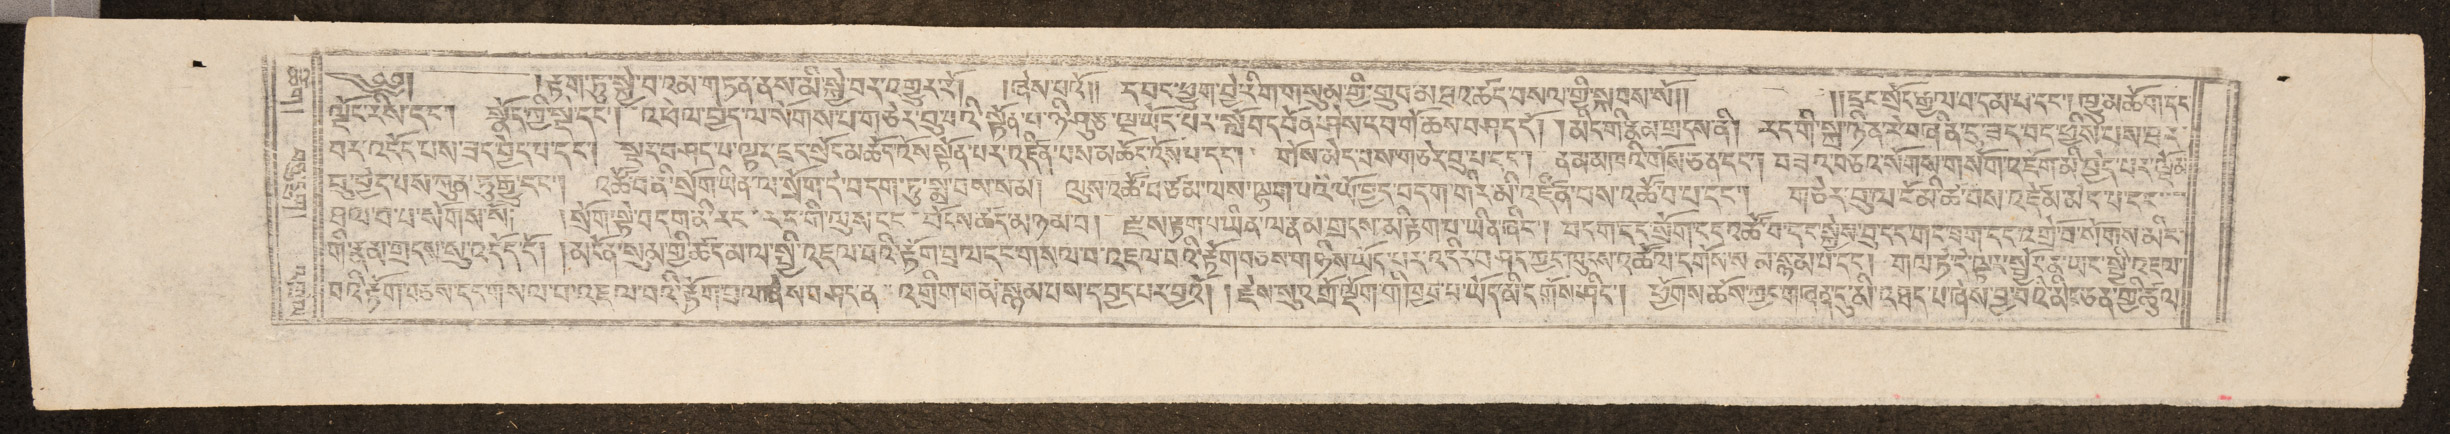༄༅། །རྟག་ཏུ་སྐྱེ་བའམ་གཏན་ནས་མི་སྐྱེ་བར་འགྱུར་རོ། །ཞེས་པའོ།། དབང་ཕྱུག་བྱེ་རིག་གསུམ་གྱི་གྲུབ་མཐའ་ཚད་བསལ་གྱི་སྐབས་སོ།། །།དྲང་སྲོང་རྒྱལ་བ་དམ་པ་དང་། ཁྱུ་མཆོག་དང་
ལྡོང་རིས་དང་། སྣོད་ཀྱི་སྡེ་དང་། འཕེལ་བྱེད་ལ་སོགས་པ་གཅེར་བུ་པའི་སྟོན་པ་ཉི་ཤུ་རྩ་ལྔ་ཡོད་པར་སློབ་དཔོན་ཤེས་རབ་གོ་ཆས་བཤད་དོ། །མིང་གི་རྣམ་གྲངས་ནི། རང་གི་སྐྲ་ཉིན་རེ་བཞིན་དུ་ཟད་བད་ཕྱིས་པས་ཐར་
བར་འདོད་པས་ཟད་བྱེད་པ་དང་། སྔར་བཤད་པ་ལྟར་དྲང་སྲོང་མཆོད་འོས་སྟོན་པར་འཛིན་པས་མཆོད་འོས་པ་དང་། གོས་མེད་པས་གཅེར་བུ་པ་དང་། ནམ་མཁའི་གོས་ཅན་དང་། བཟའ་བཅའ་སོགས་གསོག་འཇོག་མི་བྱེད་པར་ལྡོམ་
བུ་བྱེད་པས་ཀུན་ཏུ་རྒྱུ་དང་། འཚོ་བ་ནི་སྲོག་ཡིན་ལ་སྲོག་དེ་བདག་ཏུ་སྨྲ་བས་སམ། ལུས་འཚོ་བ་ཙམ་ལས་ལྷག་པའི་ཡོ་བྱད་བདག་གིར་མི་འཛིན་པས་འཚོ་བ་པ་དང་། གཅེར་བུ་ལ་ངོ་མི་ཚ་བས་འཛེམ་མེད་པ་དང་
ཐལ་བ་པ་སོགས་སོ། །སྲོག་སྟེ་བདག་ནི་རང་རང་གི་ལུས་དང་བོངས་ཚད་མཉམ་པ། རྫས་རྟག་པ་ཡིན་ལ་རྣམ་གྲངས་མི་རྟག་པ་ཡིན་ཞིང་། བདག་དང་སྲོག་དང་འཚོ་བ་དང་སྐྱེས་བུ་དང་གང་ཟག་དང་འགྲོ་བ་སོགས་མིང་
གི་རྣམ་གྲངས་སུ་འདོད་དོ། །མངོན་སུམ་གྱི་ཚད་མ་ལ་སྤྱི་འཇལ་བའི་རྟོག་བྲལ་དང་གསལ་བ་འཇལ་བའི་རྟོག་བཅས་གཉིས་ཡོད་པར་འདིར་བཤད་ཀྱང་ཁུངས་འཚོལ་དགོས་སམ་སྙམ་པ་དང་། གལ་ཏེ་དེ་ལྟར་སྦྱོང་ན་ཡང་སྤྱི་འཇལ་
བའི་རྟོག་བཅས་དང་གསལ་བ་འཇལ་བའི་རྟོག་བྲལ་ཞེས་བཤད་ན་འགྲིག་གམ་སྙམ་པས་དཔྱད་པར་བྱའོ། །རྗེས་སུ་འགྲོ་ལྡོག་གི་ཁྱབ་པ་ཡོད་མི་དགོས་ཤིང་། ཕྱོགས་ཆོས་ཀྱང་གཞན་དུ་མི་འཐད་པ་ཞེས་བྱ་བའི་མིང་ཅན་གྱི་ཚུལ་